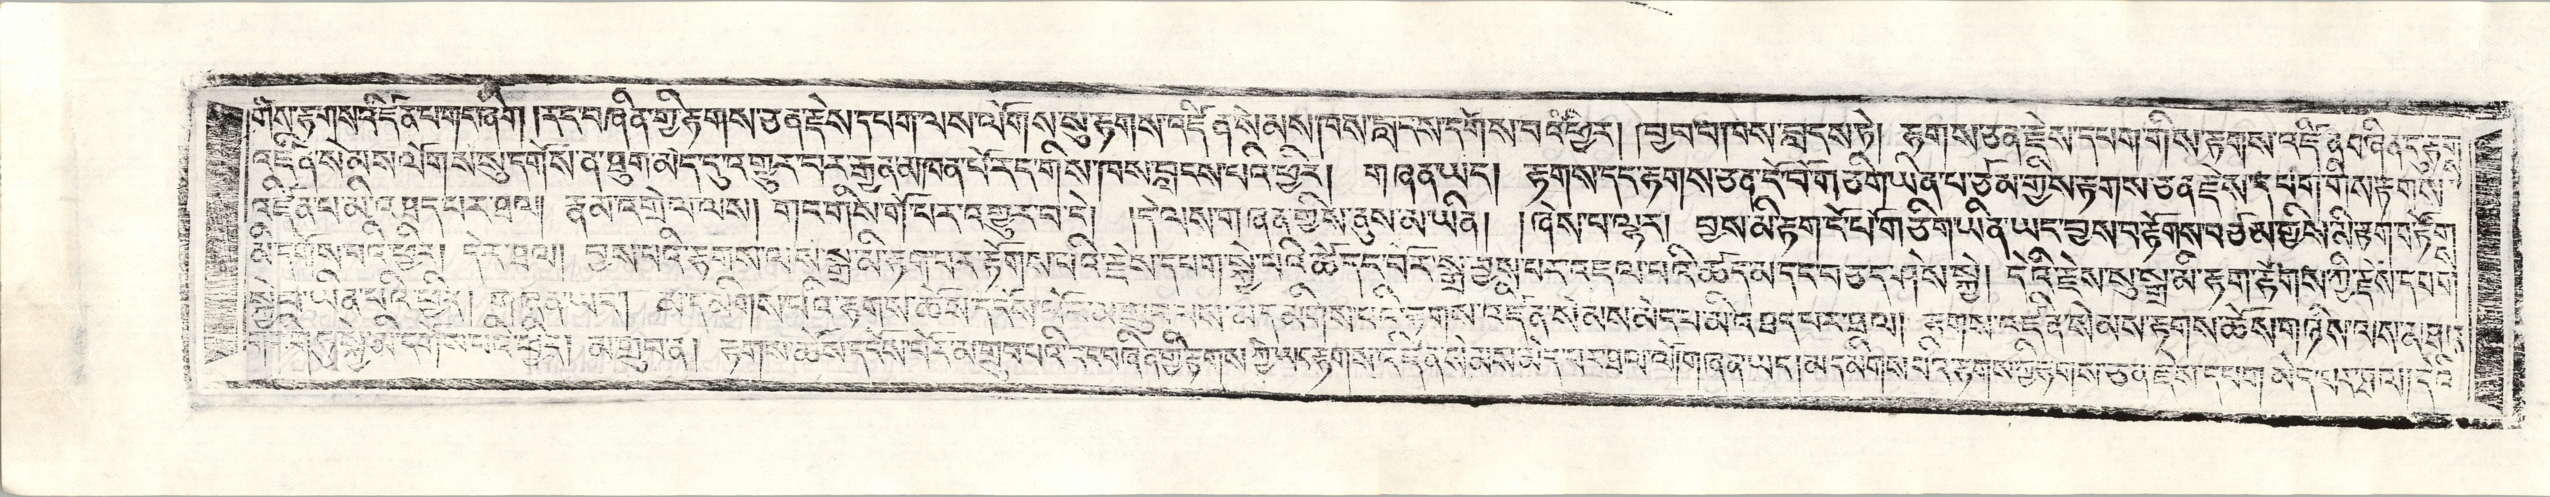གིས་རྟགས་འཛིན་པ་གང་ཞིག །རང་བཞིན་གྱི་རྟགས་ཅན་རྗེས་དཔག་ལས་ལོགས་སུ་རྟགས་འཛིན་སེམས་ཁས་བླངས་དགོས་པའི་ཕྱིར། ཁྱབ་པ་ཁས་བླངས་ཏེ། རྟགས་ཅན་རྗེས་དཔག་གིས་རྟགས་འཛིན་བཞིན་དུ་རྟགས་
འཛིན་སེམས་ལོགས་སུ་དགོས་ན་ཐུག་མེད་དུ་འགྱུར་བར་རྒྱན་མཁན་པོ་རང་གིས་ཁས་བླངས་པའི་ཕྱིར། གཞན་ཡང་། རྟགས་དང་རྟགས་ཅན་ངོ་བོ་གཅིག་ཡིན་པ་ཙམ་གྱིས་རྟགས་ཅན་རྗེས་དཔག་གིས་རྟགས་
འཛིན་པ་མི་འཐད་པར་ཐལ། རྣམ་འགྲེལ་ལས། གང་གིས་གོ་བར་འགྱུར་བ་དེ། །དེ་ལས་གཞན་གྱིས་ནུས་མ་ཡིན། །ཞེས་པ་ལྟར། བྱས་མི་རྟག་ངོ་བོ་གཅིག་ཡིན་ཡང་བྱས་པ་རྟོགས་པ་ཙམ་གྱིས་མི་རྟག་པ་རྟོགས་
མི་དགོས་པའི་ཕྱིར། དེར་ཐལ། བྱས་པའི་རྟགས་ལས་སྒྲ་མི་རྟག་པར་རྟོགས་པའི་རྗེས་དཔག་སྐྱེ་བའི་ཚེ་དང་པོར་སྒྲ་བྱས་པར་འཇལ་བའི་ཚད་མ་དང་བཅད་ཤེས་སྐྱེ། དེའི་རྗེས་སུ་སྒྲ་མི་རྟག་རྟོགས་ཀྱི་རྗེས་དཔག་
སྐྱེ་བ་ཡིན་པའི་ཕྱིར། གཞན་ཡང་། མ་དམིགས་པའི་རྟགས་ཆོས་དངོས་པོར་མ་གྲུབ་པས་མ་དམིགས་པའི་རྟགས་འཛིན་སེམས་མེད་པ་མི་འཐད་པར་ཐལ། རྟགས་འཛིན་སེམས་རྟགས་ཆོས་གཉིས་ལས་མཐའ་
གཅིག་ཏུ་སྐྱེ་མི་དགོས་པའི་ཕྱིར། མ་གྲུབ་ན། རྟགས་ཆོས་དངོས་པོར་མ་གྲུབ་པའི་རང་བཞིན་གྱི་རྟགས་ཀྱི་ཡང་རྟགས་འཛིན་སེམས་མེད་པར་ཐལ་ལོ། །གཞན་ཡང་། མ་དམིགས་པའི་རྟགས་ཀྱི་རྟགས་ཅན་རྗེས་དཔག་མེད་པར་ཐལ། དེའི་